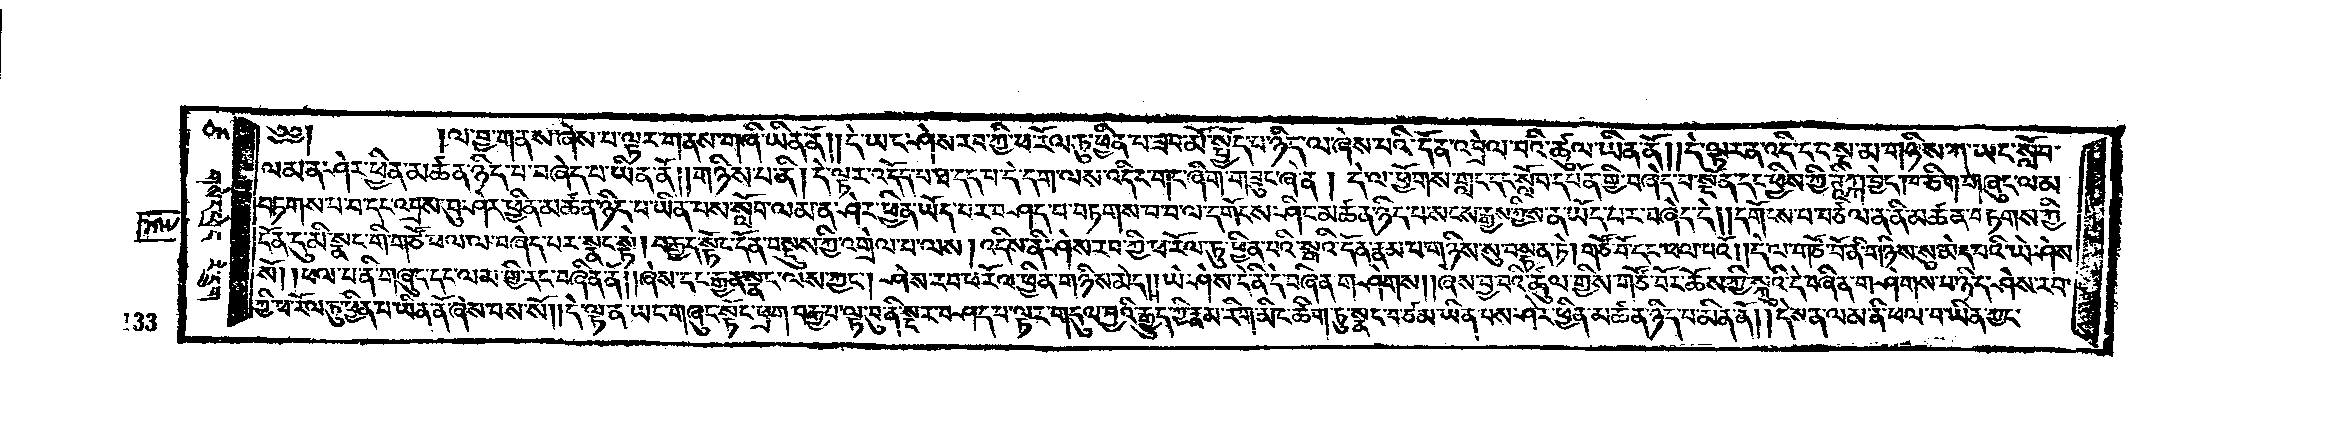༄༅། །ལ་བྱ་གནས་ཞེས་པ་ལྟར་གནས་གཞི་ཡིན་ནོ། །དེ་ཡང་ཤེས་རབ་ཀྱི་ཕ་རོལ་ཏུ་ཕྱིན་པ་ཟབ་མོ་སྤྱོད་པ་ཉིད་ལ་ཞེས་པའི་དོན་འབྲེལ་བའི་ཚུལ་ཡིན་ནོ། །དེ་ལྟར་ན་འདི་དང་སྔ་མ་གཉིས་ཀ་ཡང་སློབ་
ལམ་ན་ཤེར་ཕྱིན་མཚན་ཉིད་པ་བཞེད་པ་ཡིན་ནོ། །གཉིས་པ་ནི། དེ་ལྟར་འདོད་པ་ཐ་དད་པ་དེ་དག་ལས་འདིར་གང་ཞིག་གཟུང་ཞེ་ན། དེ་ལ་ཕྱོགས་གླང་དང་སློབ་དཔོན་གྱི་བཞེད་པ་སྔོན་དང་ཕྱིས་ཀྱི་ཊཱིཀྐ་བྱེད་ཁ་ཅིག་གཞུང་ལམ་
བཏགས་པ་བ་དང་འབྲས་བུ་ཤེར་ཕྱིན་མཚན་ཉིད་པ་ཡིན་པས་སློབ་ལམ་ན་ཤེར་ཕྱིན་ཡོད་པར་བཤད་པ་བཏགས་པ་བ་ལ་དགོངས་ཤིང་མཚན་ཉིད་པ་སངས་རྒྱས་ཀྱིས་ན་ཡོད་པར་བཞེད་དེ། །དགོངས་པ་བཙལ་ན་ནི་མཚན་བཏགས་ཀྱི་
དོན་དུ་མི་སྣང་གི་གཙོ་ཕལ་ལ་བཞེད་པར་སྣང་སྟེ། བརྒྱད་སྟོང་དོན་བསྡུས་ཀྱི་འགྲེལ་པ་ལས། འདིས་ནི་ཤེས་རབ་ཀྱི་ཕ་རོལ་ཏུ་ཕྱིན་པའི་སྒྲའི་དོན་རྣམ་པ་གཉིས་སུ་བསྟན་ཏེ། གཙོ་བོ་དང་ཕལ་བའོ། །དེ་ལ་གཙོ་བོ་ནི་གཉིས་སུ་མེད་པའི་ཡེ་ཤེས་
སོ། །ཕལ་པ་ནི་གཞུང་དང་ལམ་གྱི་རང་བཞིན་ནོ། །ཞེས་དང་རྒྱན་སྣང་ལས་ཀྱང་། ཤེས་རབ་ཕ་རོལ་ཕྱིན་གཉིས་མེད། །ཡེ་ཤེས་དེ་ནི་དེ་བཞིན་གཤེགས། །ཞེས་བྱ་བའི་ཚུལ་གྱིས་གཙོ་བོར་ཆོས་ཀྱི་སྐུའི་དེ་བཞིན་གཤེགས་པ་ཉིད་ཤེས་རབ་
ཀྱི་ཕ་རོལ་ཏུ་ཕྱིན་པ་ཡིན་ནོ་ཞེས་པས་སོ། །དེ་ལྟ་ན་ཡང་གཞུང་སྟོང་ཕྲག་བརྒྱ་པ་ལྟ་བུ་ནི་སྔར་བཤད་པ་ལྟར་གདུལ་བྱའི་རྒྱུད་ཀྱི་རྣམ་རིག་མིང་ཚིག་ཏུ་སྣང་བ་ཙམ་ཡིན་པས་ཤེར་ཕྱིན་མཚན་ཉིད་པ་མིན་ནོ། །དེས་ན་ལམ་ནི་ཕལ་བ་ཡིན་ཀྱང་